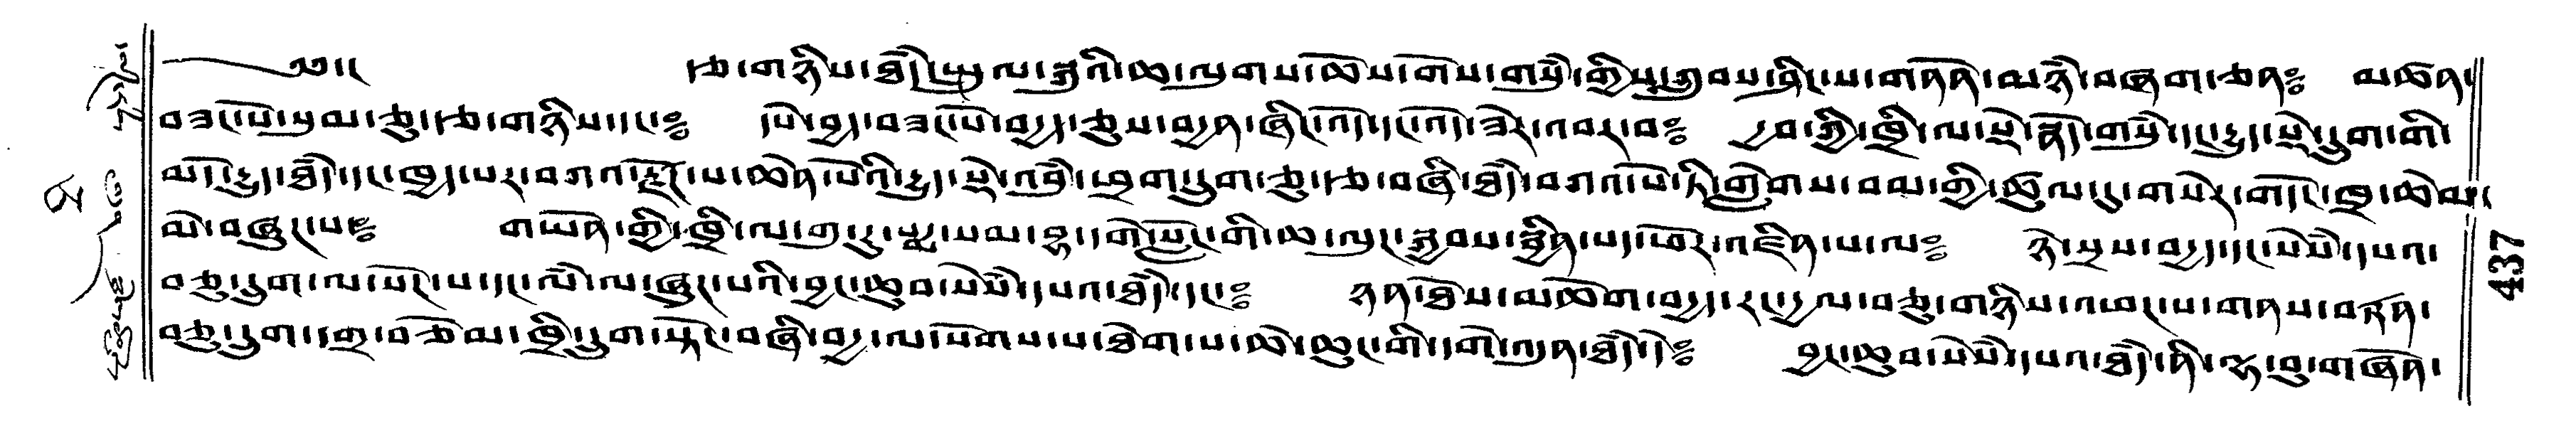རྩ་གཉིས་ཐམས་ཅད་སྤྲུལ་སྐུའི་ཆ་ལུགས་ཆོས་གོས་གསུམ་གྱིས་ཀླུབས་ཤིང་ས་གནོན་མཉམ་བཞག་ཅན༔ མཚན་
བཟང་པོ་སུམ་ཅུ་རྩ་གཉིས་དང༔ དཔེ་བྱད་བཟང་པོ་བརྒྱད་ཅུས་བརྒྱན་ཅིང་འོད་དང་འོད་ཟེར་འབར་བ༔ རྒྱབ་ཀྱི་ཁྲི་ལ་སྡེ་སྣོད་གསུམ་དང་རྒྱུད་སྡེ་དྲུག་གི་
མདོ་རྒྱུད་ཐམས་ཅད་དང་ཁྱད་པར་བཀའ་རྫོགས་པ་ཆེན་པོའི་རྒྱུད་སྡེ་འབུམ་ཕྲག་དྲུག་ཅུ་རྩ་བཞི་ཐམས་ཅད་བཀའ་པོ་ཏི་གླེགས་བམ་གྱི་ཚུལ་དུ་གསེར་གདོང་ཁྲ་ཆེམ་
མེ་བཞུགས་པ༔གཡོན་གྱི་ཁྲི་ལ་གུ་རུ་པདྨ་སམ་བྷ་དགེ་སློང་གི་ཆ་ལུགས་སྐྱབས་སྦྱིན་པད་ཕོར་འཛིན་པ་ལ༔ ཉེ་སྲས་བརྒྱད་དང་སེམས་དཔའ་
བཅུ་དྲུག་ལ་སོགས་པ་དང་ལམ་ལ་ཞུགས་པའི་བྱང་ཆུབ་སེམས་དཔའ་ཐམས་ཅད་དང༔ ཉན་ཐོས་མཆོག་བརྒྱད་རང་རྒྱལ་བཅུ་གཉིས་འཕགས་པ་གནས་བརྟན་
བཅུ་དྲུག་དགྲ་བཅོམ་ཁྲི་དྲུག་སྟོང་བཞི་བརྒྱ་ལ་སོགས་པ་ཐེག་པ་ཆེ་ཆུང་གི་དགེ་འདུན་ཐམས་ཅད་དོ༔ བྱང་ཆུབ་སེམས་དཔའ་ཐམས་ཅད་ནི་ལྷ་བུ་གཞོན་